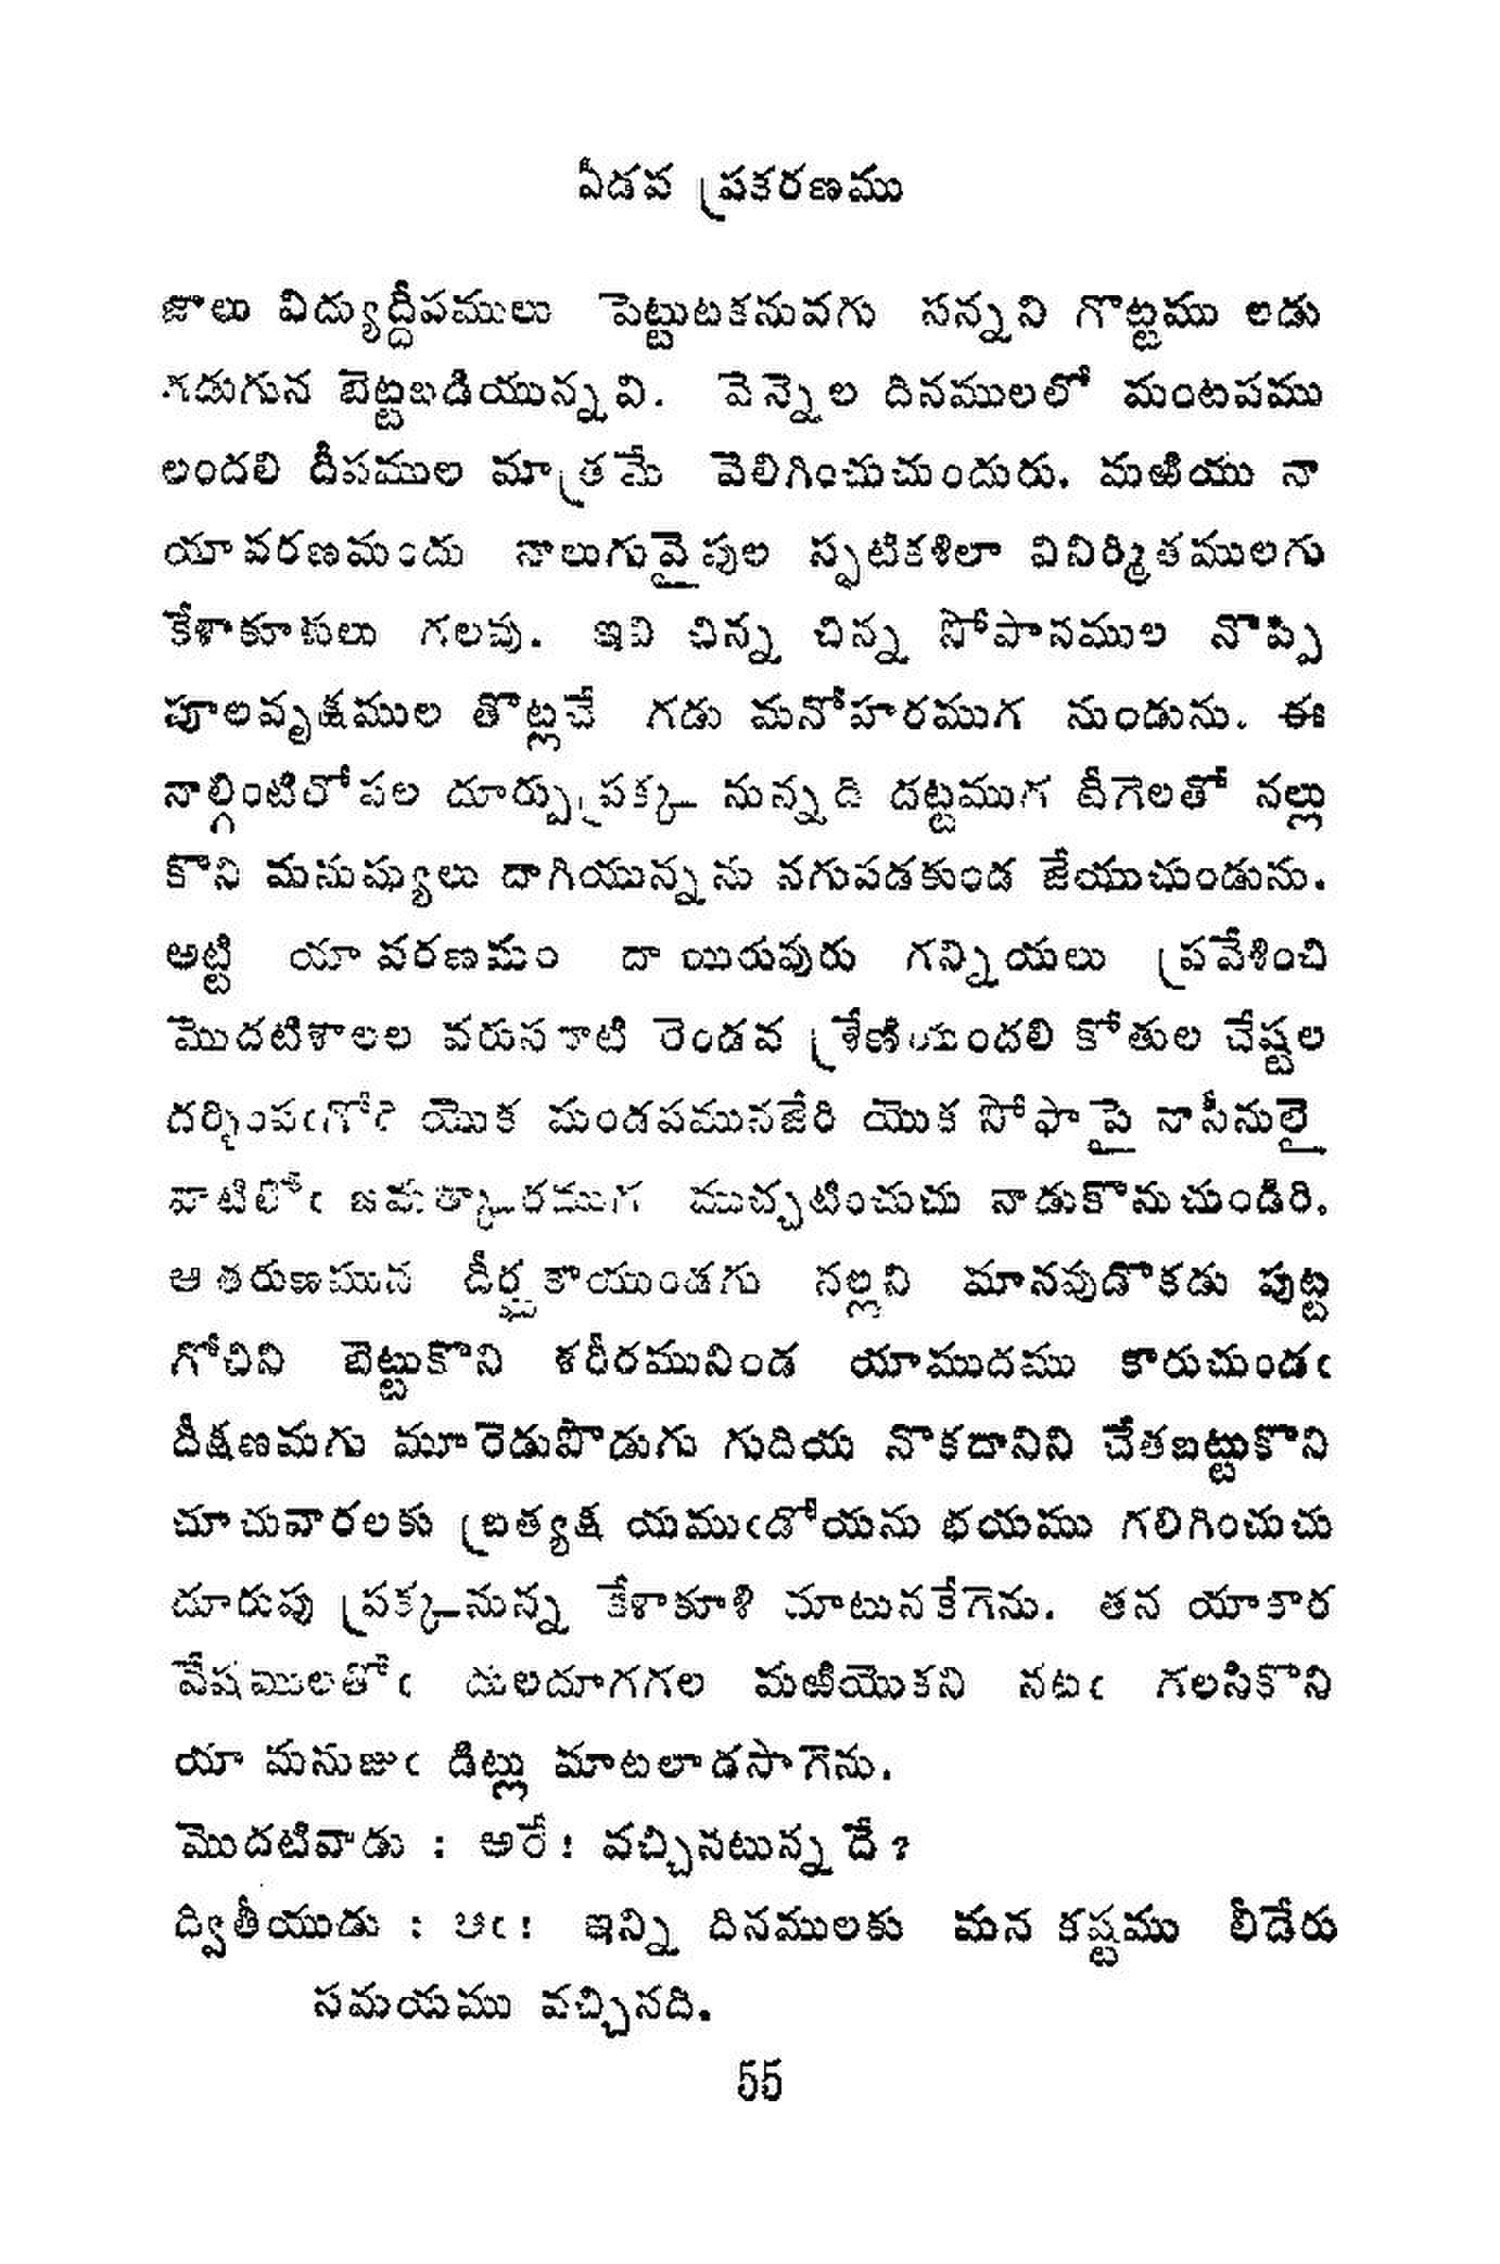జాలు విద్యుద్దీపములు పెట్టుటకనువగు సన్నని గొట్టము లడు గడుగున బెట్టబడియున్నవి. వెన్నెల దినములలో మంటపము లందలి దీపముల మాత్రమే వెలిగించుచుందురు. మఱియు నా యావరణమందు నాలుగువైపుల స్ఫటికశిలా వినిర్మితములగు కేళాకూళులు గలవు. ఇవి చిన్న చిన్న సోపానముల నొప్పి పూలవృక్షముల తొట్లచే గడు మనోహరముగ నుండును. ఈ నాల్గింటిలోపల దూర్పుపక్క నున్నది దట్టముగ దీగేలతో నల్లుకొని మనుష్యులు దాగియున్నను నగుపడకుండ జేయుచుండును. అట్టి యావరణమం దా యిరువురు గన్నియలు ప్రవేశించి మొదటిశాలల వరుసదాటి రెండవ శ్రేణియందలి కోతుల చేష్టల దర్శింపఁగోరి యొక మండపమునజేరి యొక సోఫాపై నాసీనులై వాటితోఁ జమత్కారముగ ముచ్చటించుచు నాడుకొనుచుండిరి. ఆ తరుణమున దీర్ఘ కాయుండగు నల్లని మానవుడొకడు పుట్టి గోచిని బెట్టుకొని శరీరమునిండ యాముదము కారుచుండఁ దీక్షణమగు మూరెడుపొడుగు గుదియ నొకదానిని చేతబట్టుకొని చూచువారలకు బ్రత్యక్ష యముఁడోయను భయము గలిగించుచు దూరుపు ప్రక్కనున్న కేళాకూళి మాటునకేగెను. తన యాకార వేషములతోఁ దులదూగగల మఱియొకని నటఁ గలసికొని యా మనుజుఁ డిట్లు మాటలాడసాగెను.

మొదటివాడు : అరే! వచ్చినటున్న దే ? 

ద్వితీయుడు : ఆ: ఇన్ని దినములకు మన కష్టము లీడేరు సమయము వచ్చినది.